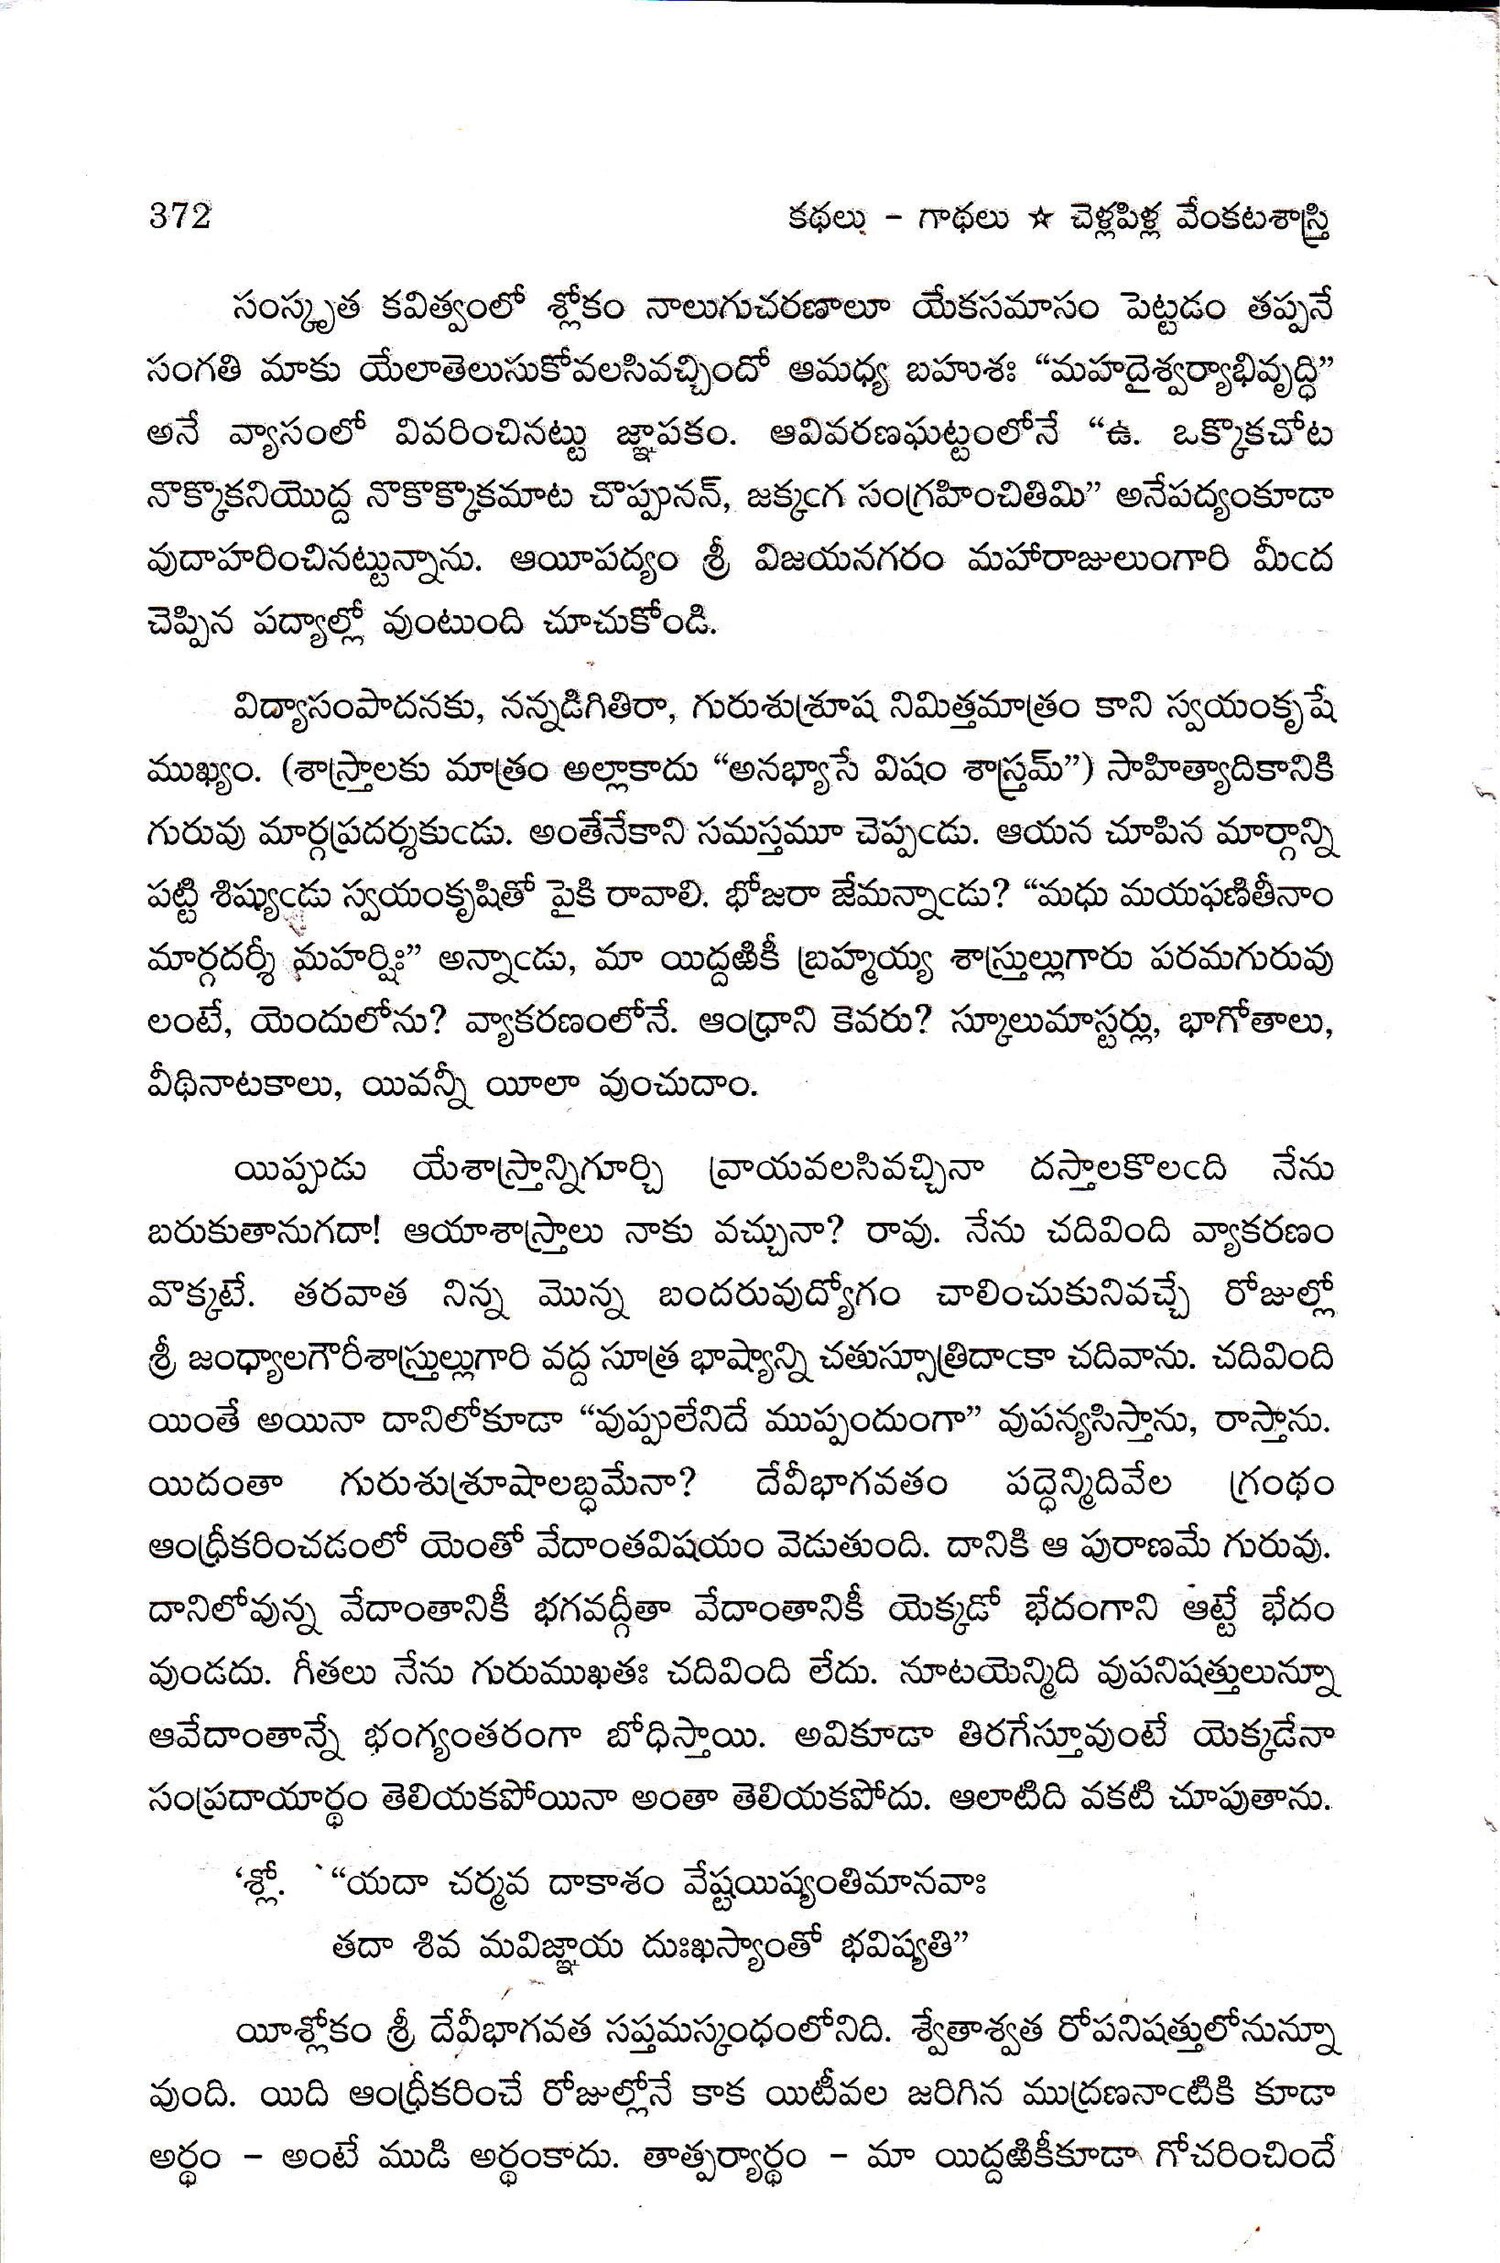సంస్కృత కవిత్వంలో శ్లోకం నాలుగుచరణాలూ యేకసమాసం పెట్టడం తప్పనే సంగతి మాకు యేలాతెలుసుకోవలసి వచ్చిందో ఆమధ్య బహుశః "మహదైశ్వర్యాభివృద్ధి" అనే వ్యాసంలో వివరించినట్టు జ్ఞాపకం. ఆవివరణఘట్టంలోనే “ఉ. ఒక్కొకచోట నొక్కొకనియొద్ద నొకొక్కొకమాట చొప్పునన్, జక్కఁగ సంగ్రహించితిమి" అనేపద్యంకూడా వుదాహరించినట్టున్నాను. ఆయీపద్యం శ్రీ విజయనగరం మహారాజులుంగారి మీఁద చెప్పిన పద్యాల్లో వుంటుంది చూచుకోండి.

విద్యాసంపాదనకు, నన్నడిగితిరా, గురుశుశ్రూష నిమిత్తమాత్రం కాని స్వయంకృషే ముఖ్యం. (శాస్త్రాలకు మాత్రం అల్లాకాదు “అనభ్యాసే విషం శాస్త్రమ్") సాహిత్యాదికానికి గురువు మార్గప్రదర్శకుఁడు. అంతేనేకాని సమస్తమూ చెప్పఁడు. ఆయన చూపిన మార్గాన్ని పట్టి శిష్యుఁడు స్వయంకృషితో పైకి రావాలి. భోజరా జేమన్నాఁడు? "మధు మయఫణితీనాం మార్గదర్శీ మహర్షిః" అన్నాఁడు, మా యిద్దఱికీ బ్రహ్మయ్య శాస్త్రుల్లుగారు పరమగురువు లంటే, యెందులోను? వ్యాకరణంలోనే. ఆంధ్రాని కెవరు? స్కూలుమాస్టర్లు, భాగోతాలు, వీథినాటకాలు, యివన్నీ యీలా వుంచుదాం.

యిప్పుడు యేశాస్త్రాన్నిగూర్చి వ్రాయవలసివచ్చినా దస్తాలకొలఁది నేను బరుకుతానుగదా! ఆయాశాస్త్రాలు నాకు వచ్చునా? రావు. నేను చదివింది వ్యాకరణం వొక్కటే. తరవాత నిన్న మొన్న బందరువుద్యోగం చాలించుకునివచ్చే రోజుల్లో శ్రీ జంధ్యాలగౌరీశాస్త్రుల్లుగారి వద్ద సూత్ర భాష్యాన్ని చతుస్సూత్రిదాఁకా చదివాను. చదివింది యింతే అయినా దానిలోకూడా “వుప్పులేనిదే ముప్పందుంగా" వుపన్యసిస్తాను, రాస్తాను. యిదంతా గురుశుశ్రూషాలబ్ధమేనా? దేవీభాగవతం పద్దెన్మిదివేల గ్రంథం ఆంద్రీకరించడంలో యెంతో వేదాంతవిషయం వెడుతుంది. దానికి ఆ పురాణమే గురువు. దానిలోవున్న వేదాంతానికీ భగవద్గీతా వేదాంతానికీ యెక్కడో భేదంగాని అట్టే భేదం వుండదు. గీతలు నేను గురుముఖతః చదివింది లేదు. నూటయెన్మిది వుపనిషత్తులున్నూ ఆవేదాంతాన్నే భంగ్యంతరంగా బోధిస్తాయి. అవికూడా తిరగేస్తూవుంటే యెక్కడేనా సంప్రదాయార్థం తెలియకపోయినా అంతా తెలియకపోదు. ఆలాటిది వకటి చూపుతాను.

శ్లో. "యదా చర్మవ దాకాశం వేష్టయిష్యంతిమానవాః
 తదా శివ మవిజ్ఞాయ దుఃఖస్యాంతో భవిష్యతి" 
యీశ్లోకం శ్రీ దేవీభాగవత సప్తమస్కంధంలోనిది. శ్వేతాశ్వత రోపనిషత్తులోనున్నూ వుంది. యిది ఆంద్రీకరించే రోజుల్లోనే కాక యిటీవల జరిగిన ముద్రణనాఁటికి కూడా అర్ధం - అంటే ముడి అర్థంకాదు. తాత్పర్యార్ధం - మా యిద్దఱికీకూడా గోచరించిందే